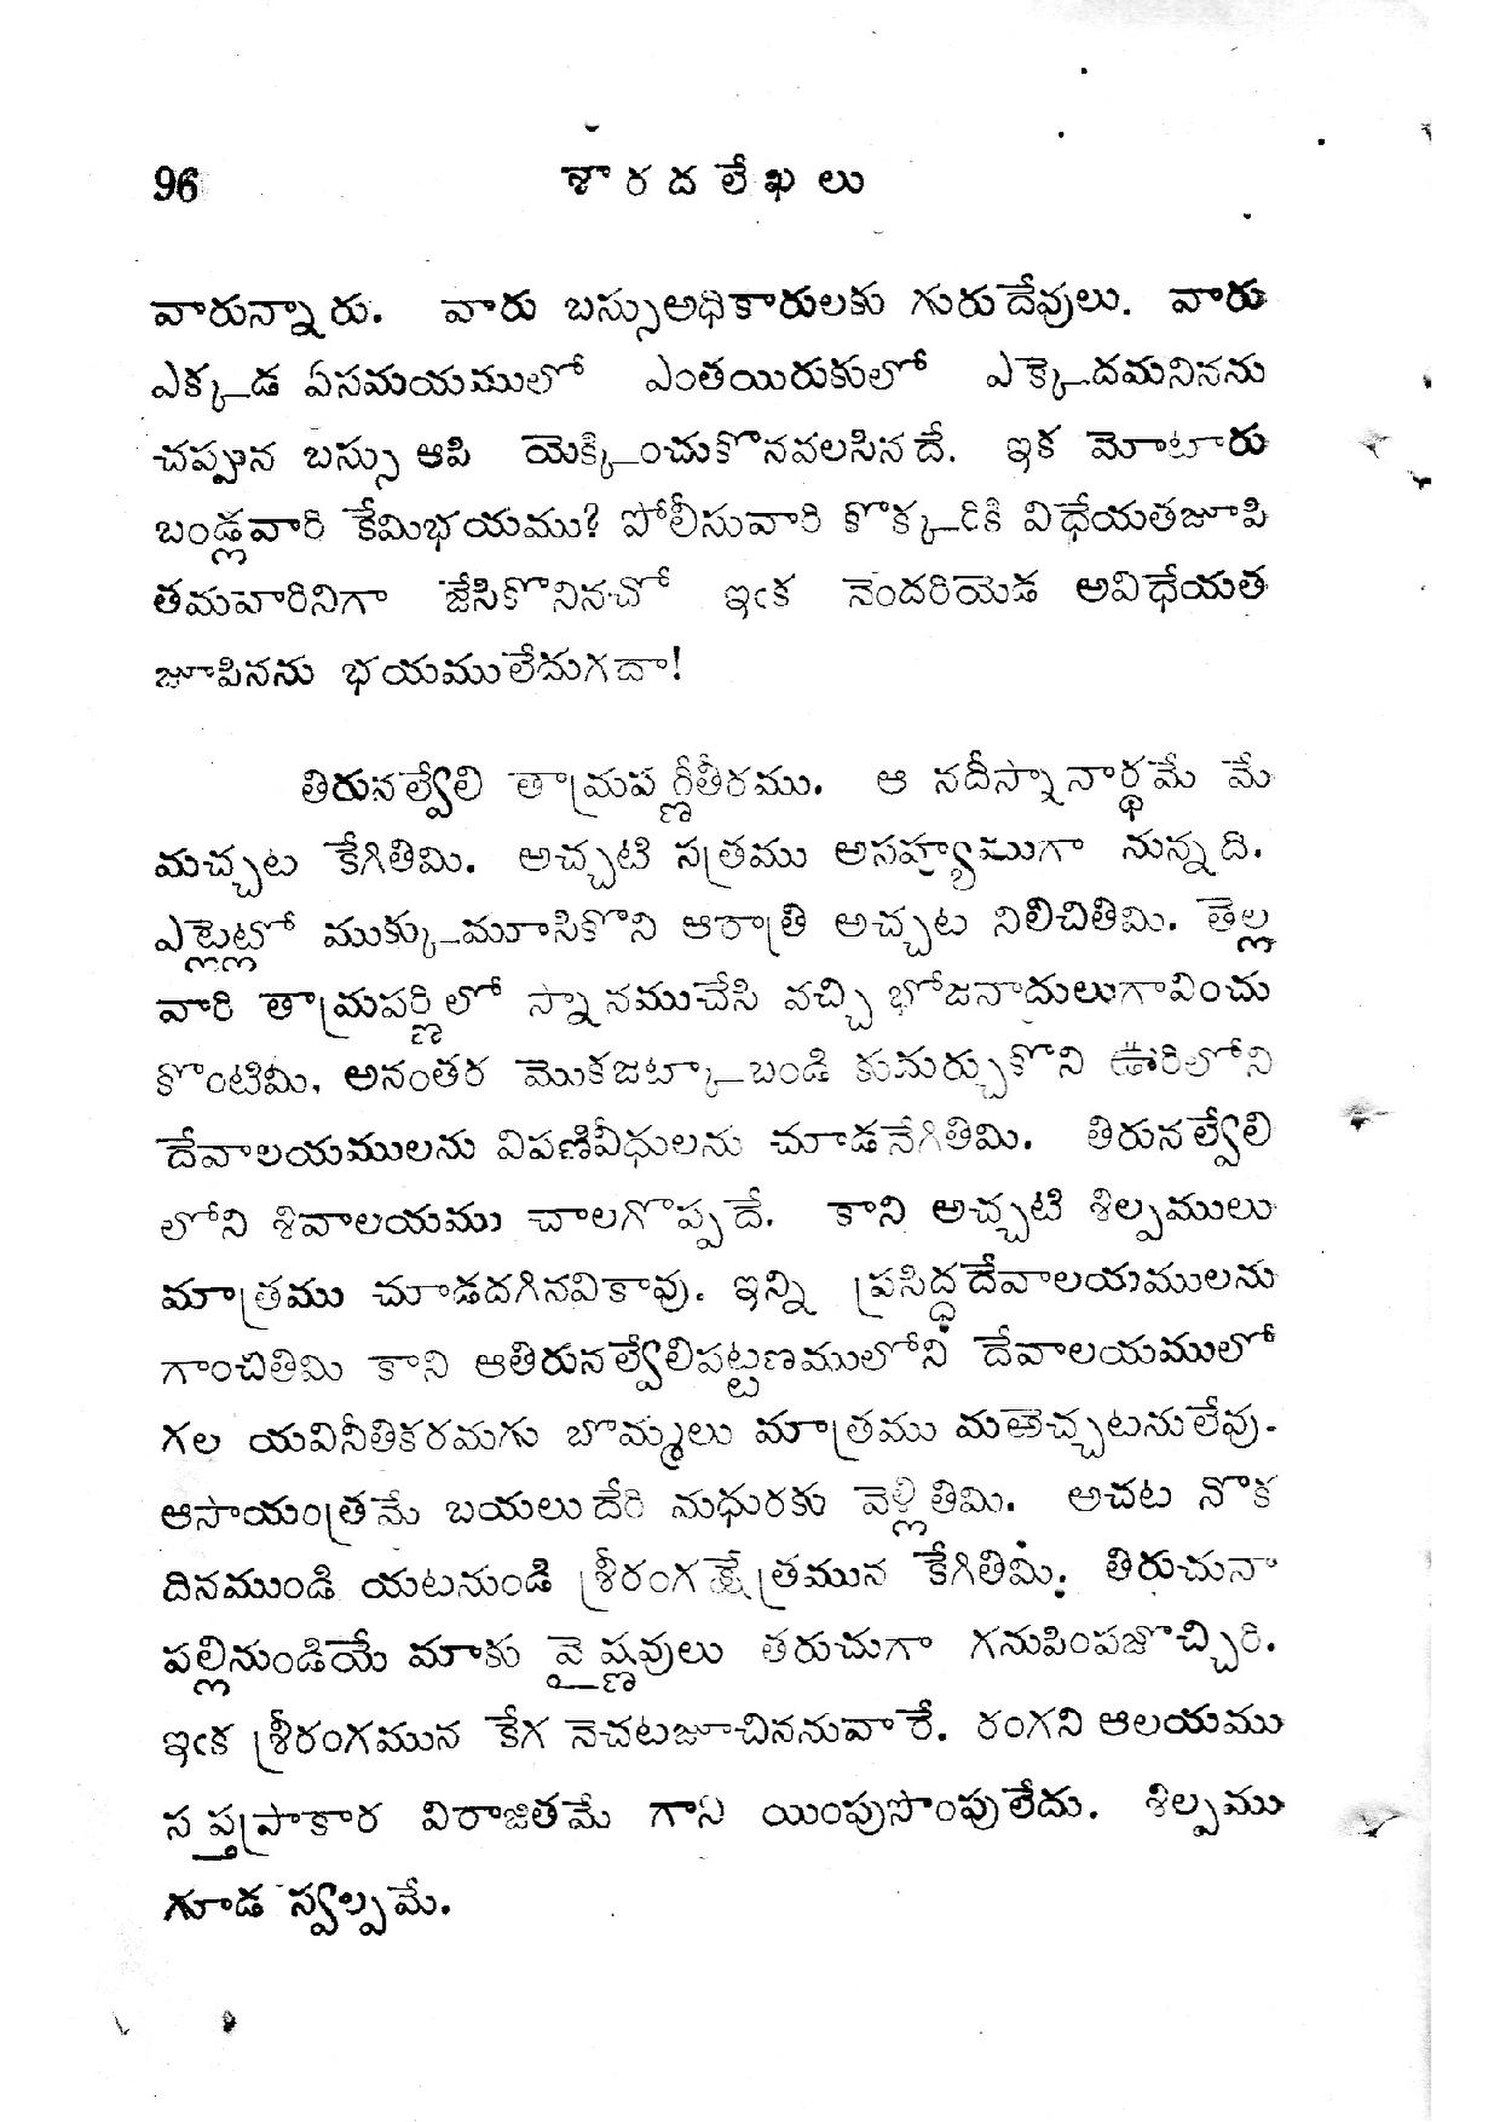వారున్నారు. వారు బస్సుఅధికారులకు గురుదేవులు. వారు ఎక్కడ ఏసమయములో ఎంతయిరుకులో ఎక్కెదమనినను చప్పున బస్సు ఆపి యెక్కించుకొనవలసినదే. ఇక మోటారు బండ్లవారి కేమిభయము? పోలీసువారి కొక్కరికి విధేయతజూపి తమవారినిగా జేసికొనినచో ఇఁక నెందరియెడ అవిధేయత జూపినను భయములేదుగదా!

తిరునల్వేలి తామ్రపర్ణీతీరము. ఆ నదీస్నానార్థమే మే మచ్చట కేగితిమి. అచ్చటి సత్రము అసహ్యముగా నున్నది. ఎట్లెట్లో ముక్కుమూసికొని ఆరాత్రి అచ్చట నిలిచితిమి. తెల్లవారి తామ్రపర్ణిలో స్నానముచేసి వచ్చి భోజనాదులుగావించుకొంటిమీ. అనంతర మొకజట్కాబండి కుదుర్చుకొని ఊరిలోని దేవాలయములను విపణివీధులను చూడనేగితిమి. తిరునల్వేలిలోని శివాలయము చాలగొప్పదే. కాని అచ్చటి శిల్పములు
మాత్రము చూడదగినవికావు. ఇన్ని ప్రసిద్ధదేవాలయములను గాంచితిమి కాని ఆతిరునల్వేలిపట్టణములోని దేవాలయములో గల యవినీతికరమగు బొమ్మలు మాత్రము మఱెచ్చటనులేవు. ఆసాయంత్రమే బయలుదేరి మధురకు వెళ్లితిమి. అచట నొకదినముండి యటనుండి శ్రీరంగక్షేత్రమున కేగితిమి. తిరుచునాపల్లినుండియే మాకు వైష్ణవులు తరుచుగా గనుపింపజొచ్చిరి. ఇఁక శ్రీరంగమున కేగ నెచటజూచిననువారే. రంగని ఆలయము సప్తప్రాకార విరాజితమే గాని యింపుసొంపులేదు. శిల్పము గూడ స్వల్పమే.